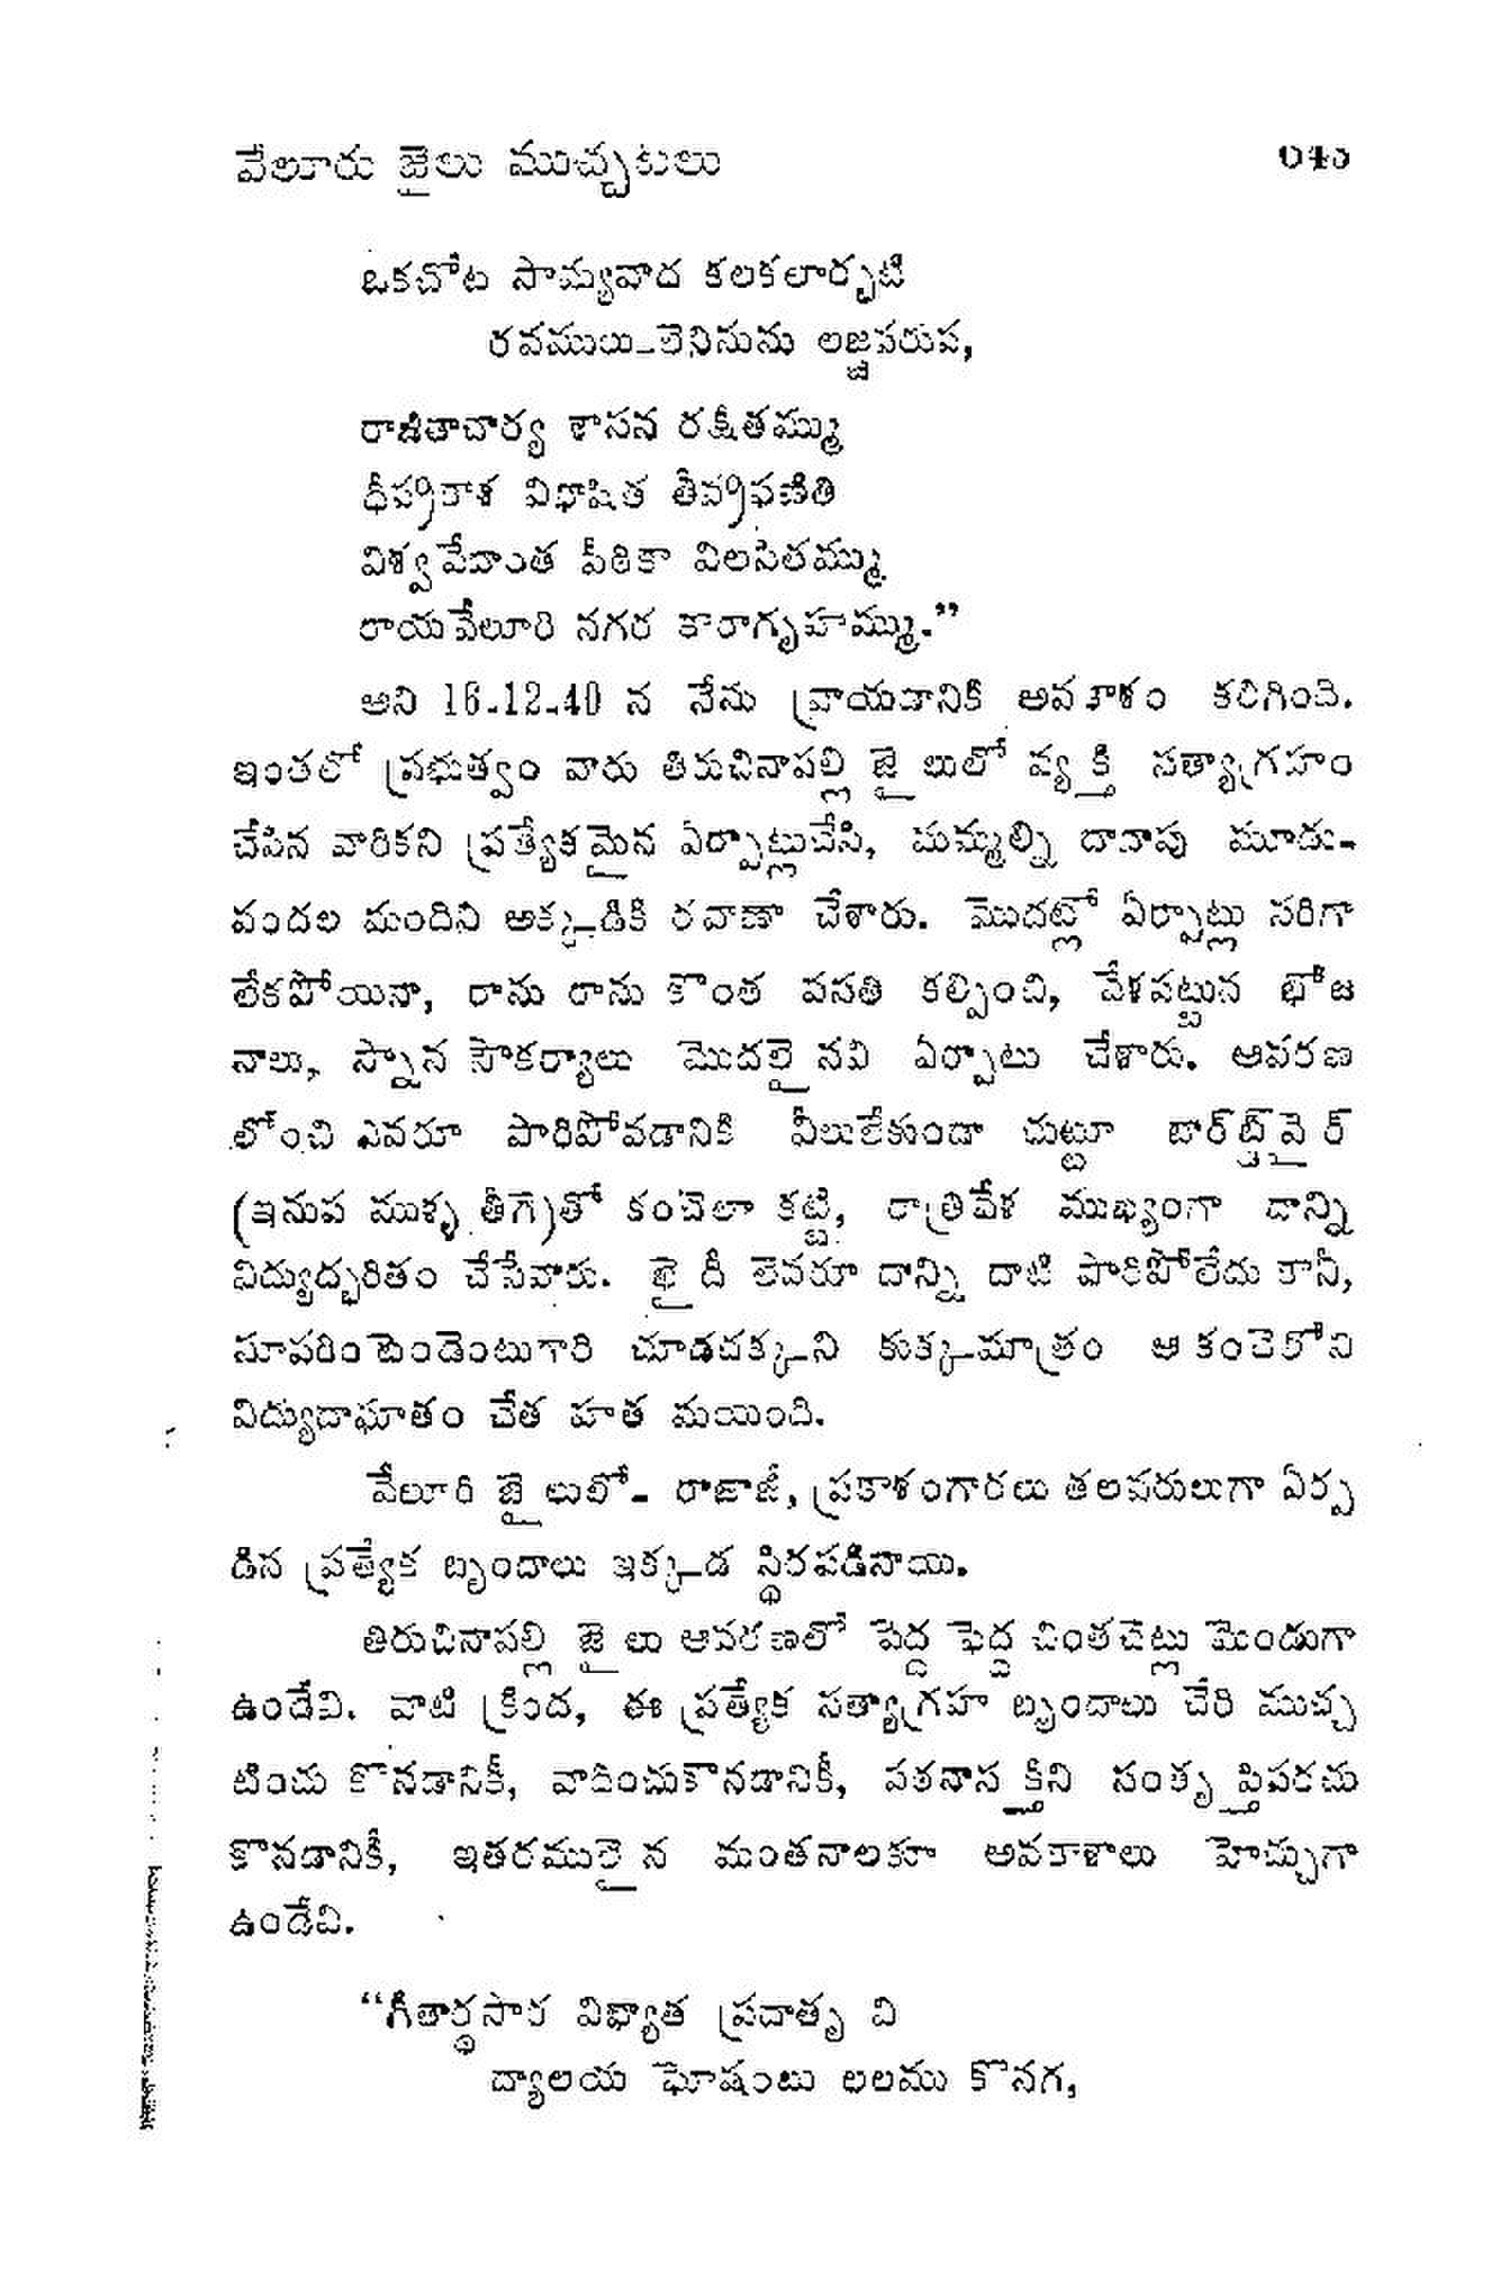ఒకచోట సామ్యవాద కలకలార్బటి
 రవములు - లెనినును లజ్జపరుప,

 రాజితాచార్య శాసన రక్షితమ్ము
 ధీప్రకాశ విభాషిత తీవ్రఫణితి
 విశ్వవేదాంత పీఠికా విలసితమ్ము
 రాయవేలూరి నగర కారాగృహమ్ము."

అని 16-12-40 న నేను వ్రాయడానికి అవకాశం కలిగింది. ఇంతలో ప్రభుత్వం వారు తిరుచినాపల్లి జైలులో వ్యక్తి సత్యాగ్రహం చేసిన వారికని ప్రత్యేకమైన ఏర్పాట్లుచేసి, మమ్మల్ని దాదాపు మూడు వందల మందిని అక్కడికి రవాణా చేశారు. మొదట్లో ఏర్పాట్లు సరిగా లేకపోయినా, రాను రాను కొంత వసతి కల్పించి, వేళపట్టున భోజనాలు, స్నాన సౌకర్యాలు మొదలైనవి ఏర్పాటు చేశారు. ఆవరణలోంచి ఎవరూ పారిపోవడానికి వీలులేకుండా చుట్టూ బార్‌బ్డ్‌వైర్ (ఇనుప ముళ్ళ తీగె) తో కంచెలా కట్టి, రాత్రివేళ ముఖ్యంగా దాన్ని విద్యుద్భరితం చేసేవారు. ఖైదీ లెవరూ దాన్ని దాటి పారిపోలేదు కానీ, సూపరింటెండెంటుగారి చూడచక్కని కుక్కమాత్రం ఆ కంచెలోని విద్యుదాఘాతం చేత హత మయింది.

వేలూరి జైలులో - రాజాజీ, ప్రకాశంగారలు తలవరులుగా ఏర్పడిన ప్రత్యేక బృందాలు ఇక్కడ స్థిరపడినాయి.

తిరుచినాపల్లి జైలు ఆవరణలో పెద్ద పెద్ద చింతచెట్లు మెండుగా ఉండేవి. వాటి క్రింద, ఈ ప్రత్యేక సత్యాగ్రహ బృందాలు చేరి ముచ్చటించు కొనడానికీ, వాదించుకొనడానికీ, పఠనాసక్తిని సంతృప్తిపరచుకొనడానికీ, ఇతరములైన మంతనాలకూ అవకాశాలు హెచ్చుగా ఉండేవి.

 "గీతార్థసార విఖ్యాత ప్రచాతృ వి
 ద్యాలయ ఘోషంబు లలము కొనగ,